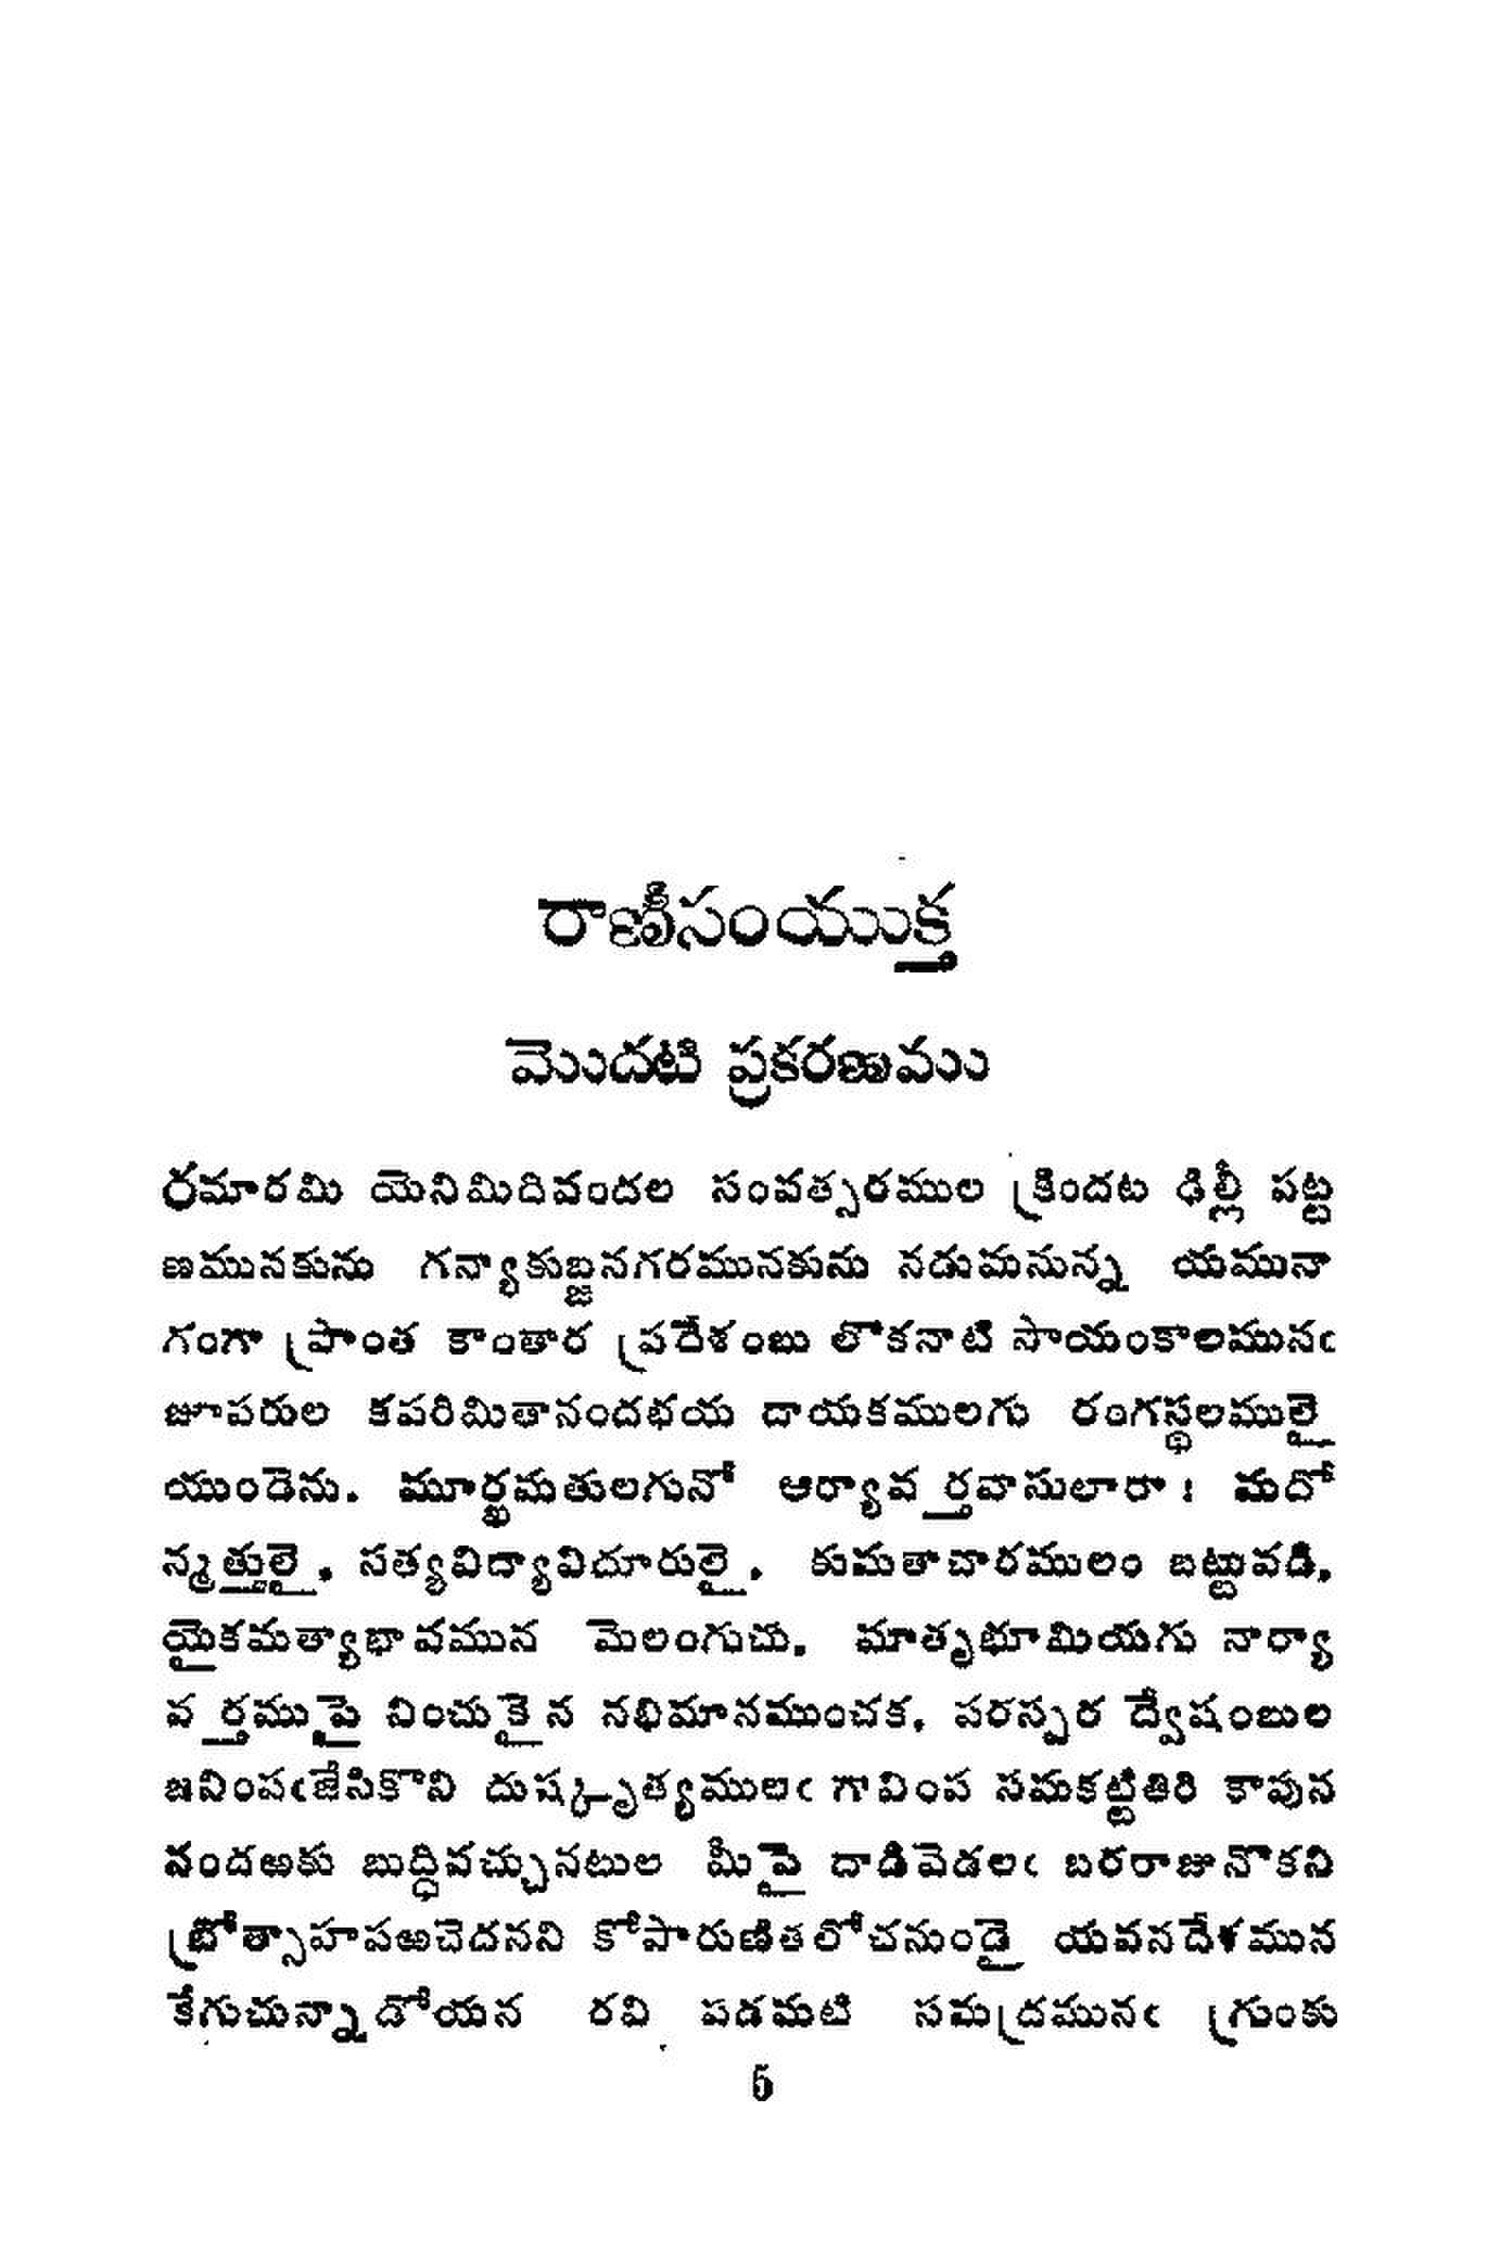రాణీ సంయుక్త

మొదటి ప్రకరణము 

మారమి యెనిమిదివందల సంవత్సరముల క్రిందట ఢిల్లీ పట్టణమునకును గన్యాకుబ్జనగరమునకును నడుమనున్న యమునా గంగా ప్రాంత కాంతార ప్రదేశంబు లొకనాటి సాయంకాలమునఁ జూపరుల కపరిమితానందభయ దాయకములగు రంగస్థలములై యుండెను. మూర్ఖమతులగునో ఆర్యావర్తవాసులారా ! మదోన్మత్తులై, సత్యవిద్యావిదూరులై, కుమతాచారములం బట్టువడి, యైకమత్యాభావమున మెలంగుచు, మాతృభూమియగు నార్యావర్తముపై నించుకైన నభిమానముంచక, పరస్పర ద్వేషంబుల జనింపఁజేసికొని దుష్కృత్యములఁ గావింప సమకట్టితిరి కాపున నందఱకు బుద్ధివచ్చునటుల మీపై దాడివెడలఁ బరరాజునొకని బ్రోత్సాహపఱచెదనని కోపారుణితలోచనుండై యవనదేశమున కేగుచున్నాడోయన రవి పడమటి సమద్రమునఁ గ్రుంకు